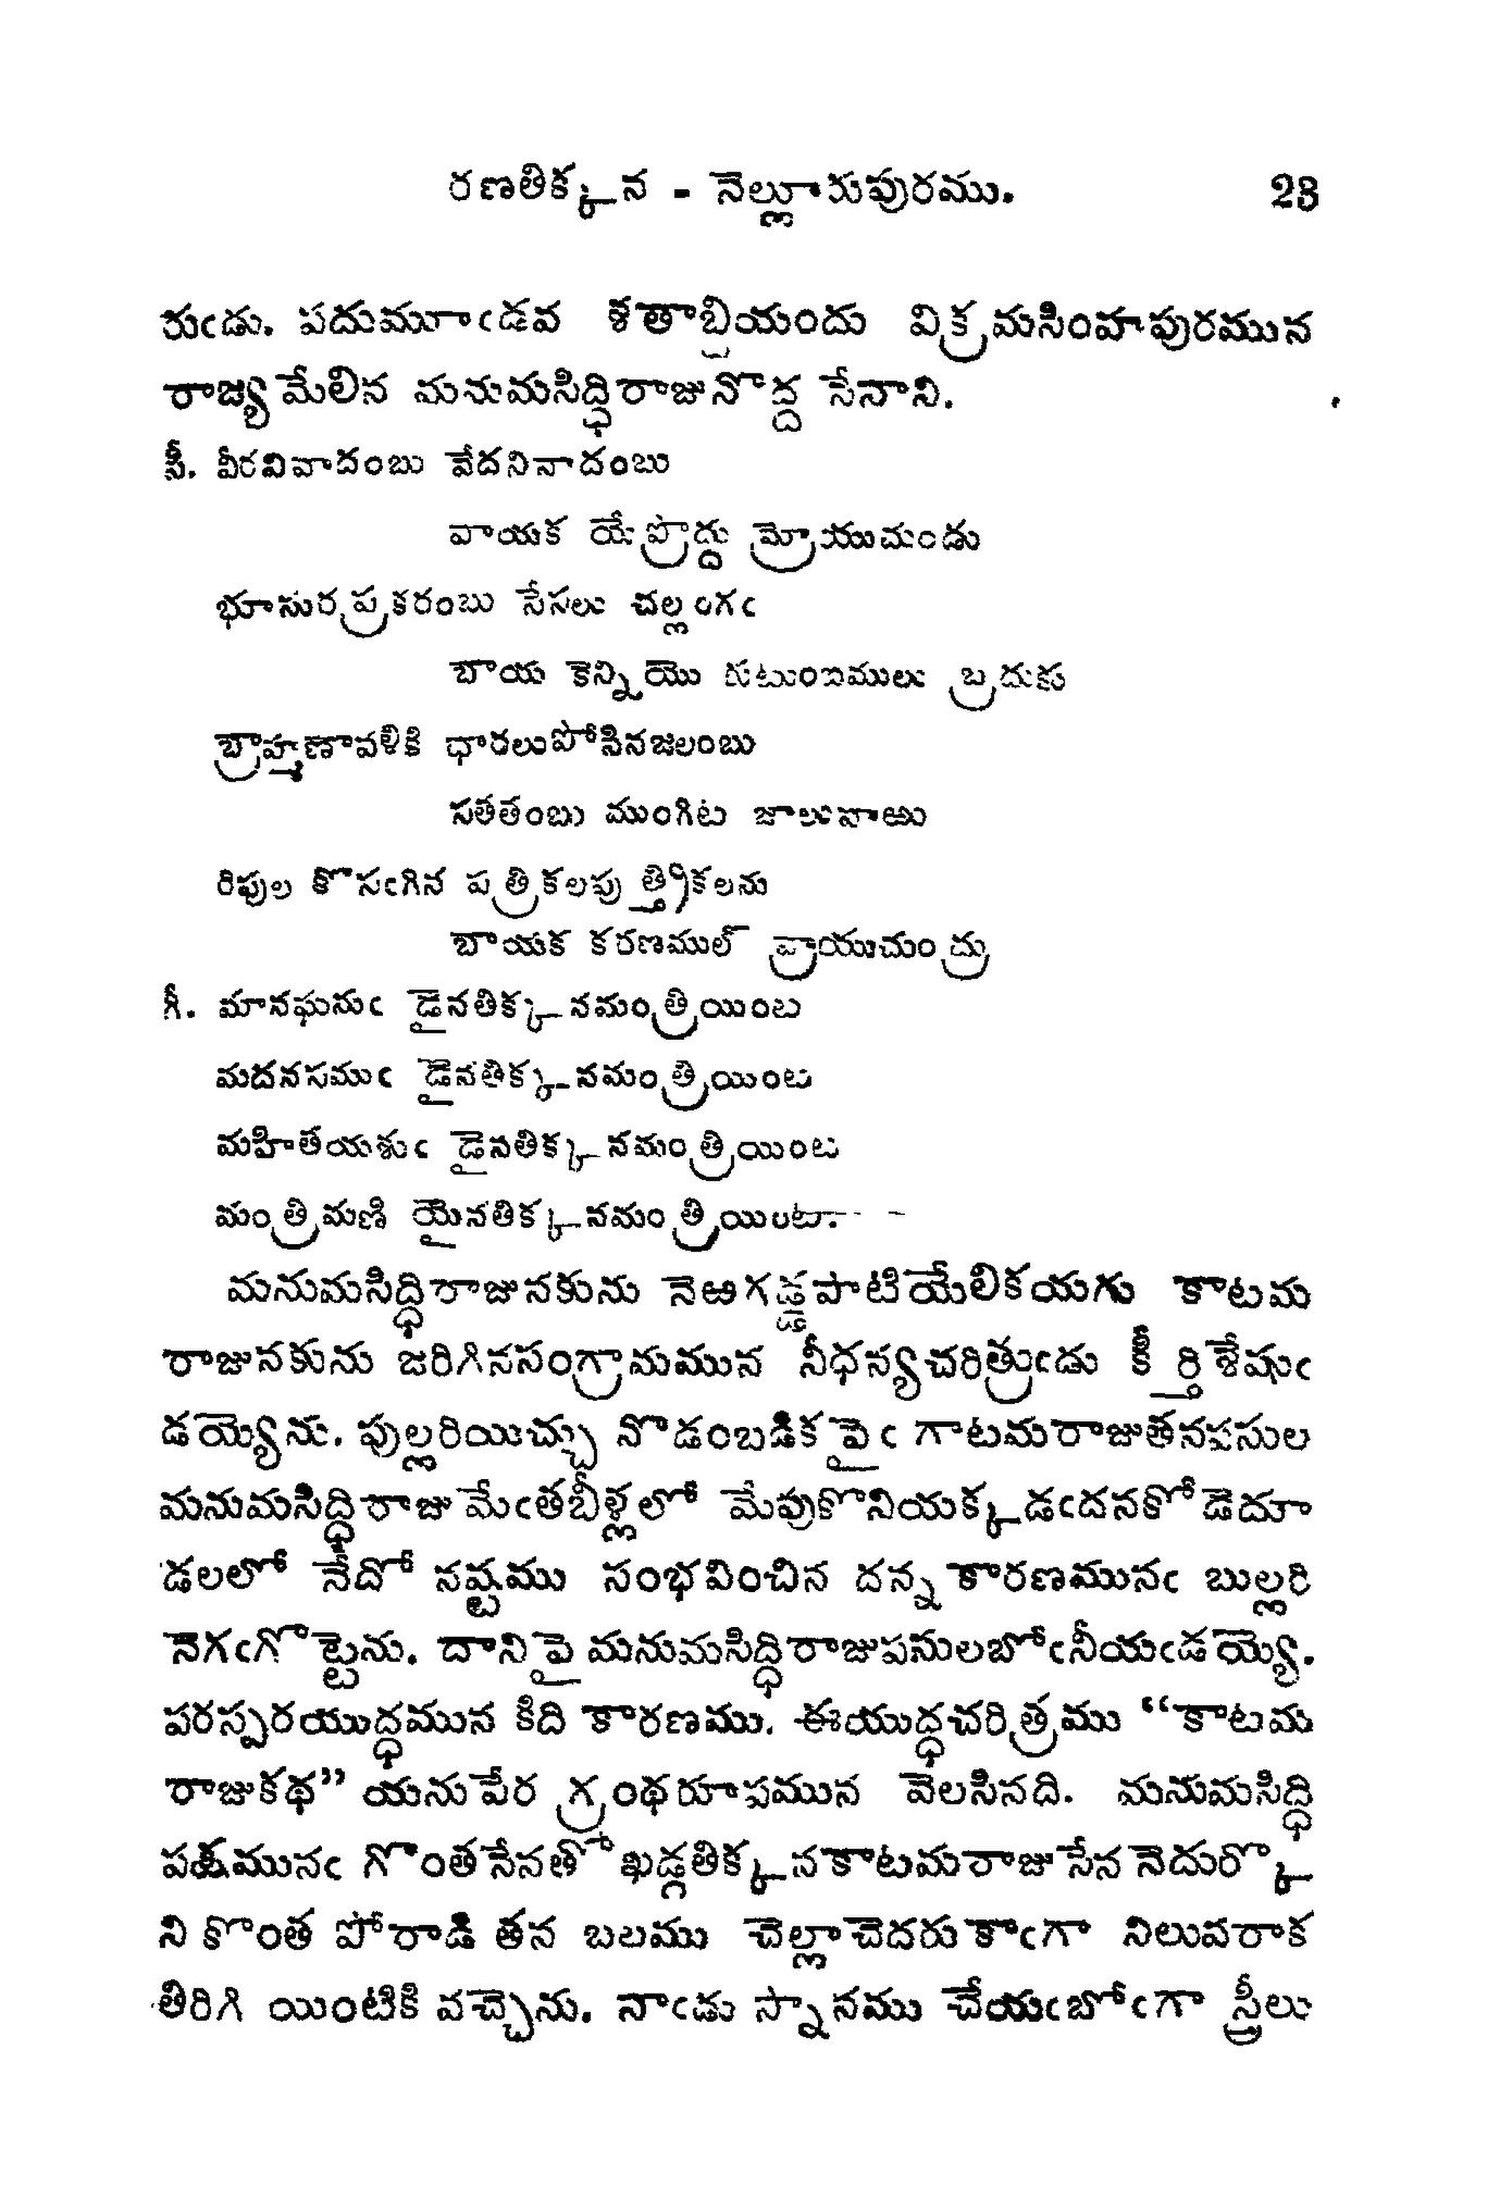రుఁడు. పదుమూఁడవ శతాబ్దియందు విక్రమసింహపురమున రాజ్యమేలిన మనుమసిద్ధిరాజునొద్ద సేనాని.
సీ. వీరివివాదంబు వేదనినాదంబు
 పాయక యేప్రొద్దు మ్రోయుచుండు
 భూసురప్రకరంబు సేసలు చల్లంగఁ
 బాయ కెన్నియొ కుటుంబములు బ్రతుకు
 బ్రాహ్మణావళికి ధారలుపోసినజలంబు
 సతతంబు ముంగిట జాలువాఱు
 రిపుల కొసఁగిన పత్రికలపుత్త్రికలను
 బాయక కరణముల్ వ్రాయుచుంద్రు
గీ. మానఘనుఁ డైనతిక్కనమంత్రియింట
 మదనసముఁ డైనతిక్కనమంత్రియింట
 మహితయశుఁ డైనతిక్కనమంత్రియింట
 మంత్రిమణి యైనతిక్కనమంత్రియింట.
మనుమసిద్ధిరాజునకును నెఱగడ్డపాటియేలిక యగుకాటమరాజుకును జరిగినసంగ్రామమున నీధన్యచరిత్రుఁడు కీర్తిశేషుఁ డయ్యెను. పుల్లరియిచ్చు నొడంబడికపైఁ గాటమరాజు తనపసుల మనుమసిద్ధిరాజు మేఁతబీళ్ళలో మేపుకొని యక్కడఁ దలకోడెదూడలలో నేదో నష్టము సంభవించిన దన్నకారణమునఁ బుల్లరి నెగఁగొట్టెను. దానిపై మనుమసిద్ధిరాజు పసులఁ బోనీయడయ్యె. పరస్పరయుద్ధమున కిది కారణము. ఈయుద్ధచరిత్రము “కాటమరాజుకథ”యనుపేర గ్రంథరూపమున వెలసినది. మనుమసిద్ధి పక్షమునఁ గొంతసేనతో ఖడ్గతిక్కన కాటమరాజుసేన నెదుర్కొన కొంత పోరాడి తన బలము చెల్లాచెదరుకాఁగా నిలువరాక తిరిగి యింటికి వచ్చెను. నాఁడు స్నానము చేయఁబోఁగా స్త్రీలు